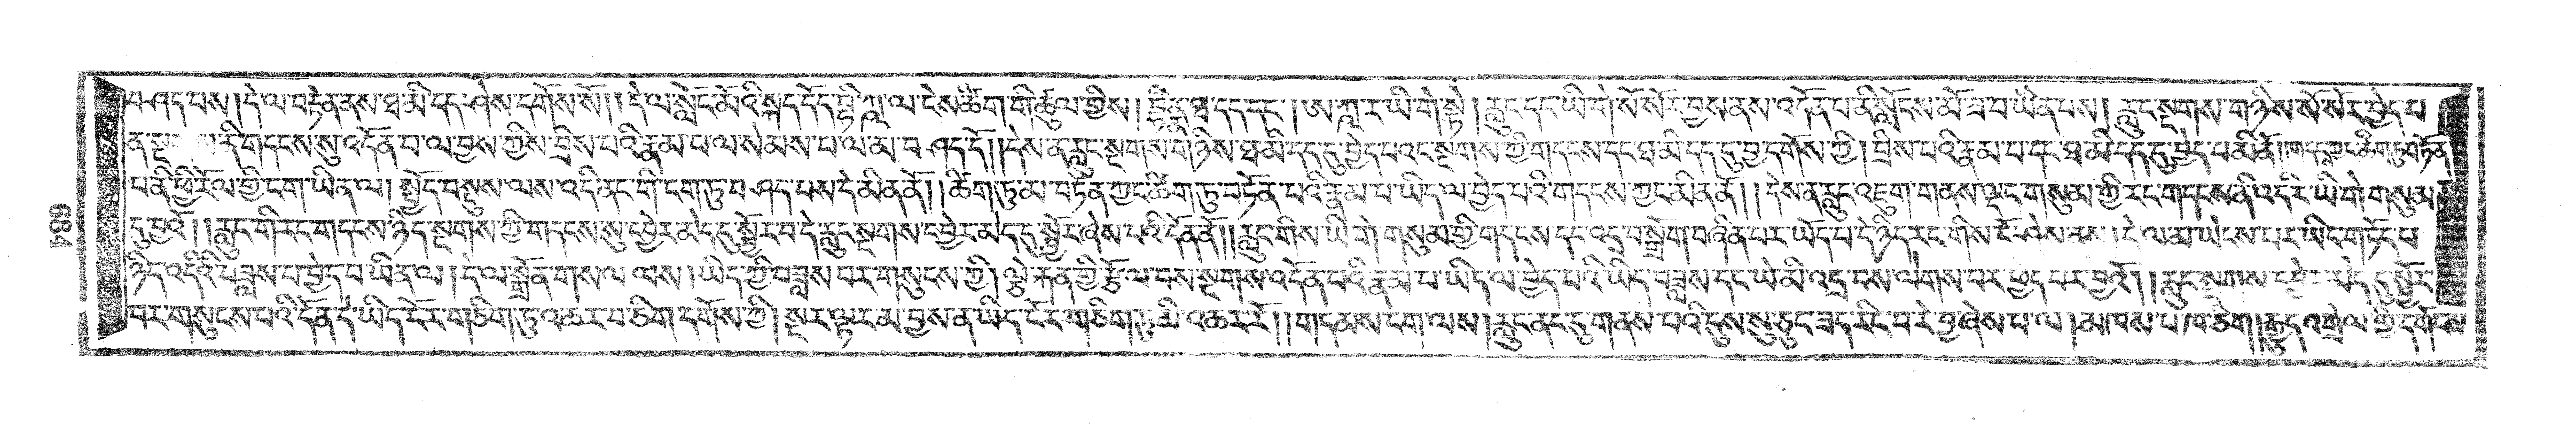བཤད་པས། དེ་ལ་བརྟེན་ནས་ཐ་མི་དད་ཤེས་དགོས་སོ། །དེ་ལ་སློང་མོའི་སྐད་དོད་བྷི་ཀྵ་ལ་ངེས་ཚིག་གི་ཚུལ་གྱིས། བྷིནྣ་ཐ་དད་དང་། ཨ་ཀྵ་ར་ཡི་གེ་སྟེ། རླུང་དང་ཡི་གེ་སོ་སོར་བྱས་ནས་འདོན་པ་ནི་སློངས་མ་ཟ་བ་ཡིན་པས། རླུང་སྔགས་གཉིས་སོ་སོར་བྱེད་པ་
ན་སྔགས་ནི་གདངས་སུ་འདོན་པ་ལ་བྱས་ཀྱིས་བྲིས་པའི་རྣམ་པ་ལ་སེམས་པ་ལ་མ་བཤད་དོ། །དེས་ན་རླུང་སྔགས་གཉིས་ཐ་མི་དད་དུ་བྱེད་པའང་སྔགས་ཀྱི་གདངས་དང་ཐ་མི་དད་དུ་བྱ་དགོས་ཀྱི། བྲིས་པའི་རྣམ་པ་དང་ཐ་མི་དད་དུ་བྱེད་པ་མིན་ནོ། །གདངས་ཀྱང་ཚིག་ཏུ་བཏོན་
པ་ནི་ཕྱི་རོལ་གྱི་ངག་ཡིན་ལ། སྤྱོད་བསྡུས་ལས་འདི་ནང་གི་ངག་ཏུ་བཤད་པས་དེ་མིན་ནོ། །ཚིག་ཏུ་མ་བཏོན་ཀྱང་ཚིག་ཏུ་བཏོན་པའི་རྣམ་པ་ཡིད་ལ་བྱེད་པའི་གདངས་ཀྱང་མིན་ནོ། །དེས་ན་རླུང་འཇུག་གནས་ལྡང་གསུམ་གྱི་རང་གདངས་ནི་འདིར་ཡི་གེ་གསུམ་
དུ་བྱའོ། །རླུང་གི་རང་གདངས་ཉིད་སྔགས་ཀྱི་གདངས་སུ་དབྱེར་མེད་དུ་སྦྱོར་བ་དེ་རླུང་སྔགས་དབྱེར་མེད་དུ་སྦྱོར་ཞེས་པའི་དོན་ནོ། །རླུང་གིས་ཡི་གེ་གསུམ་གྱི་གདངས་དང་འདྲ་བ་སྒྲོག་བཞིན་པར་ཡོད་པ་དེ་ཉིད་རང་གིས་ངོ་ཤེས་ནས། དེ་ལ་མ་ཡེངས་པར་ཡིད་གཏོང་པ་
ཉིད་འདིའི་བཟླས་པ་བྱེད་པ་ཡིན་ལ། དེ་ལ་སྐྲོན་གསལ་ལས། ཡིད་ཀྱི་བཟླས་པར་གསུངས་ཀྱི། ལྕེ་རྐན་གྱི་རྩོལ་བས་སྔགས་འདོན་པའི་རྣམ་པ་ཡིད་ལ་བྱེད་པའི་ཡིད་བཟླས་དང་ཡེ་མི་འདྲ་བས་ལེགས་པར་ཕྱེད་པར་བྱའོ། །རླུང་སྔགས་དབྱེར་མེད་དུ་སྦྱོར་
བར་གསུངས་པའི་དོན་དེ་ཡིད་ངོར་གཅིག་ཏུ་འཆར་བ་ཅིག་དགོས་ཀྱི། སྔར་ལྟར་མ་བྱས་ན་ཡིད་ངོར་གཅིག་ཏུ་མི་འཆར་རོ། །གདམས་ངག་ལས། རླུང་ནང་དུ་གནས་པའི་དུས་སུ་ཅུང་ཟད་རིང་བ་རེ་བྱ་ཞེས་པ་ལ། མཁས་པ་ཁ་ཅིག །རྒྱུད་འགྲལ་གྱི་དགོངས་